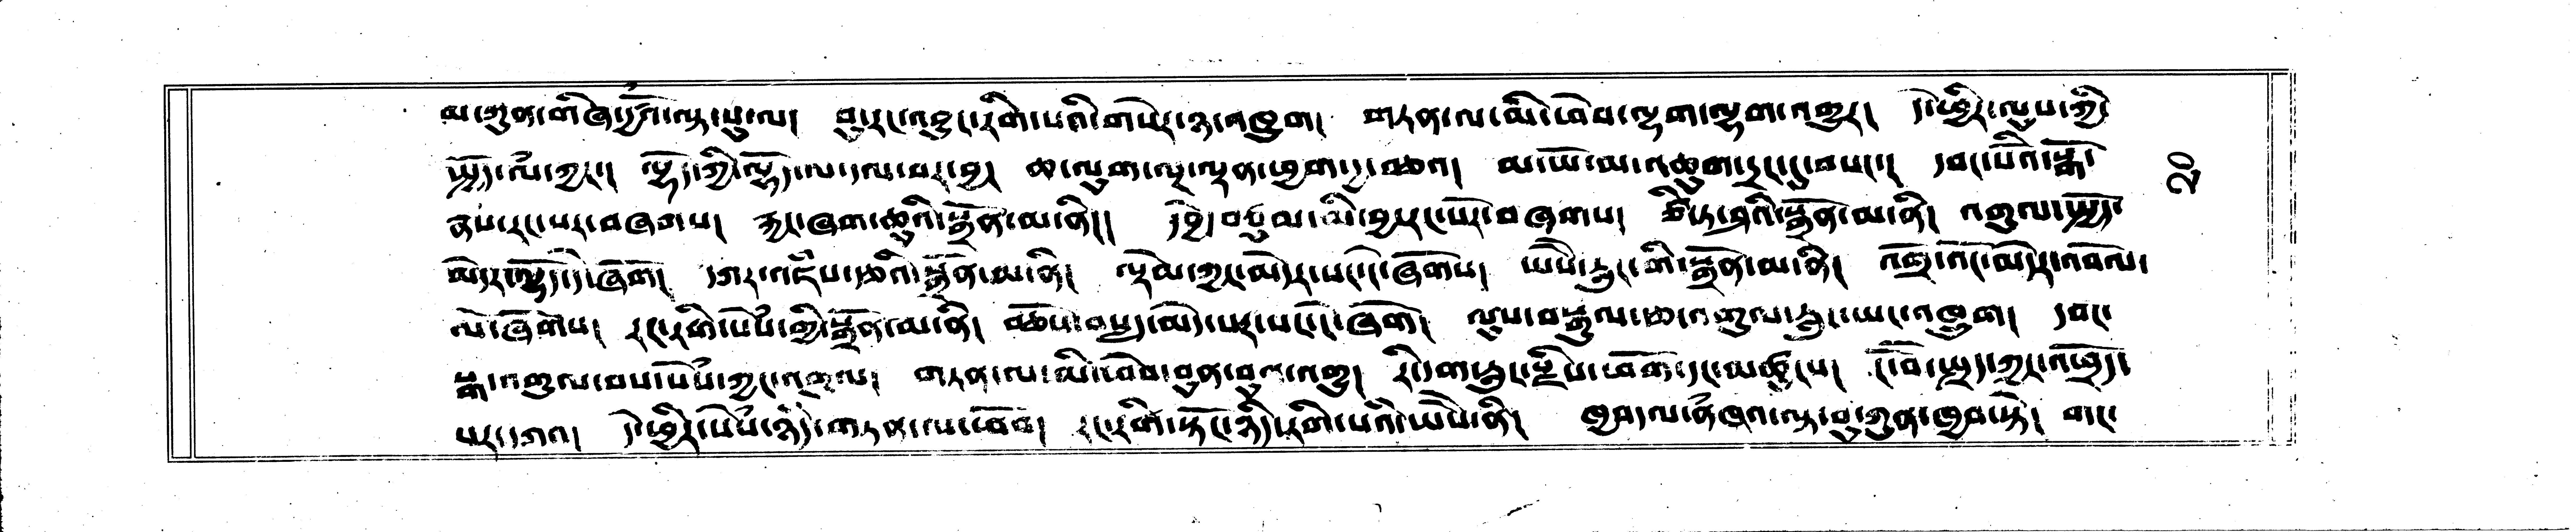མ་ཀུན་གཞི་རྒྱ་མཚོ་ལྟ་བུ་ལ། བུ་རང་འབྱུང་རིག་པའི་གསེར་ཉ་འཁྱུག གཏན་ལ་མི་ཕེབས་ལྷག་ལྷག་འགྱུར། དེ་ཕྱིར་ལུས་ཀྱི་
སྤྱོད་ལམ་ཀྱང་། ལྷོད་ཀྱིས་ལྷོད་ལ་དལ་བར་བྱ། ཆ་ལུགས་ལྔ་ལྡན་ཕྱག་རྒྱ་བཅའ། མ་ཡོ་མ་འཆུག་དྲང་དུ་བསྲངས། དབང་པོའི་སྒོ་
ནས་རང་སར་བཞག རྐྱང་ཞགས་ཆུ་ཡི་སྒྲོན་མ་ནི། དབྱེ་བཙུམ་མི་བྱ་རང་སོར་བཞག ཙི་ཏ་ཤའི་སྒྲོན་མ་ནི། འགུལ་སྐྱོད་
མེད་པར་ལྷོད་དེ་ཞོག དཀར་འཇམ་རྩ་ཡི་སྒྲོན་མ་ནི། ལྟེམ་རྐྱང་མེད་པར་སང་ངེ་ཞོག ཡེ་ཤེས་རླུང་གི་སྒྲོན་མ་ནི། འགྲོ་འོང་མེད་པར་འབོལ་
ལེ་ཞོག རང་རིག་སེམས་ཀྱི་སྒྲོན་མ་ནི། བཅོས་སླད་མེད་པར་སང་ངེ་ཞོག ལུས་བསྒུལ་རྩ་འགུལ་རླུང་ཡང་འཁྲུག དབང་
སྒོ་འགུལ་བས་སེམས་ཀྱང་འགུལ། གཏན་ལ་མི་ཕེབས་བུན་བུན་འགྱུ། རི་དྭགས་རླུང་རྫིས་ཕོག་དང་མཚུངས། ངོ་བོ་སྤྲད་ཀྱང་འཕྲོད་
པར་དཀའ། དེ་ཕྱིར་སེམས་ཉིད་གཏན་ལ་ཕོབ། རང་རིག་སྟོང་ཉིད་རིག་པའི་ཡེ་ཤེས་ནི། ཁྱབ་བདལ་ནམ་མཁའ་ལྟ་བུ་ཀུན་ཁྱབ་སྟེ། གང་